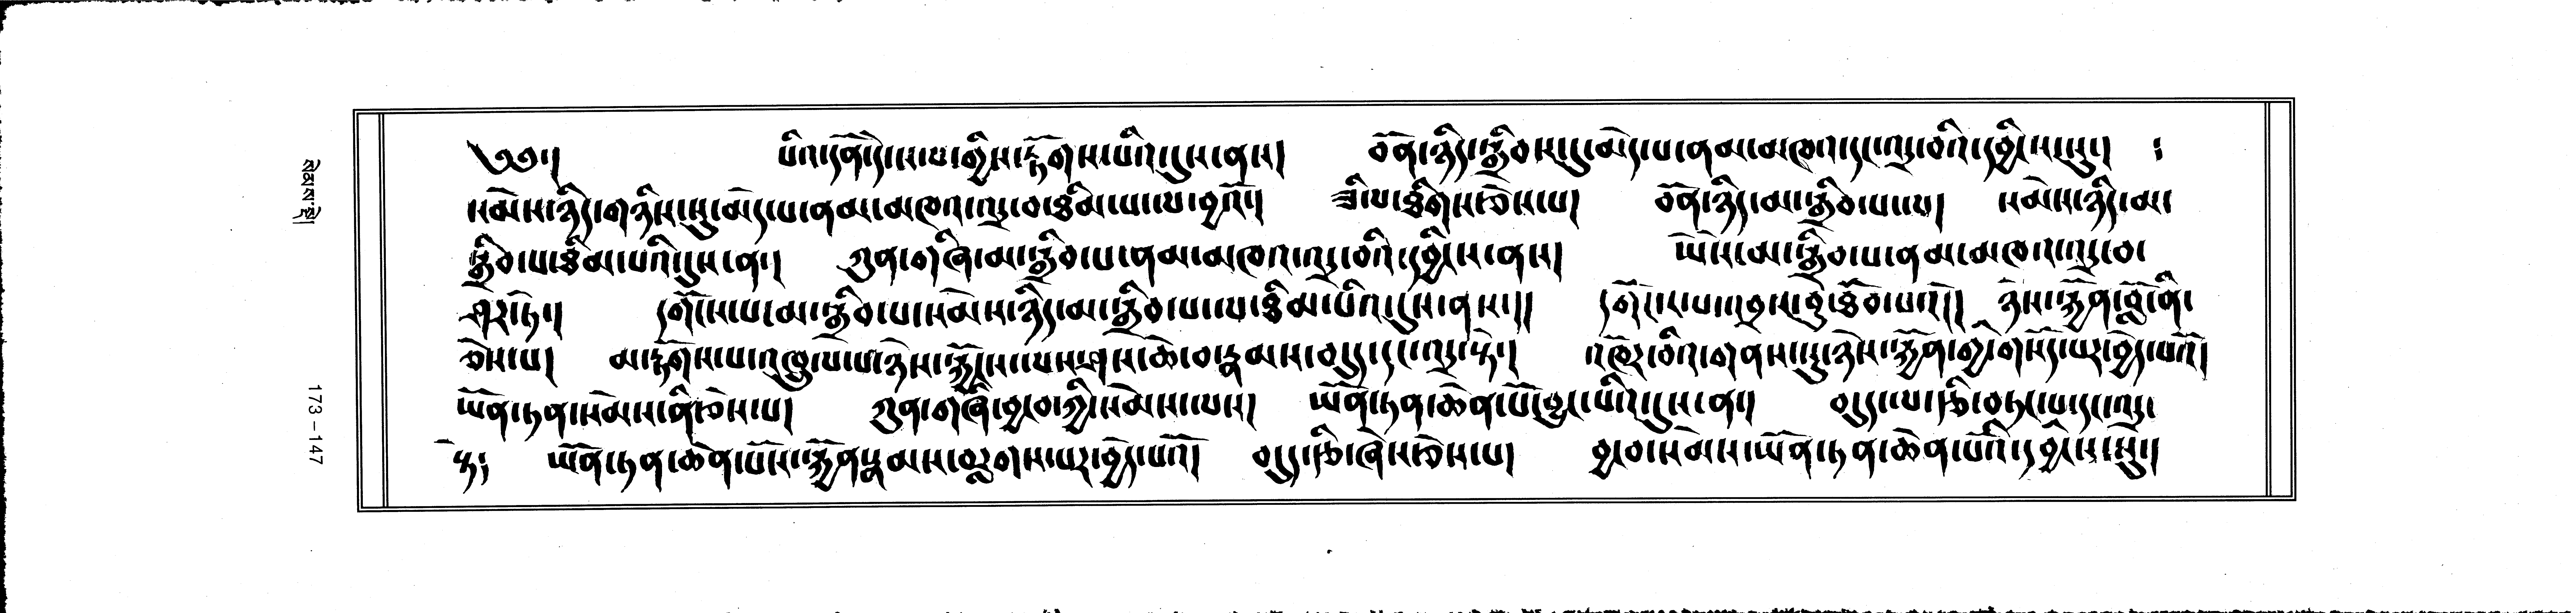པའི་དོན་དེ་སལ་གྱིས་རྟོགས་པའི་དུས་ན། བོན་ཉིད་སྒྲིབ་ཏུ་མེད་པ་ནམ་མཁའ་དང་འདྲ་བའི་དབྱིངས་སུ། 
སེམས་ཉིད་གཉིས་སུ་མེད་པ་ནམ་མཁའ་འདྲ་བ་ལ་ཐིམ་པ་ལ་བྱའོ། །ཟིལ་ཐིགས་ཅེས་པ། བོན་ཉིད་མ་བསྒྲིབས་པ་ལ། སེམས་ཉིད་མ་
བསྒྲིབས་པ་ཐིམ་པའི་དུས་ན། ཀུན་གཞི་མ་བསྒྲིབས་པ་ནམ་མཁའ་དང་འདྲ་བའི་དབྱིངས་ནས། ཡེ་ཤེས་མ་བསྒྲིབས་པ་ནམ་མཁའ་དང་འདྲ་བ་
ཤར་ཏེ། དགོངས་པ་མ་བསྒྲིབས་པ་སེམས་ཉིད་མ་བསྒྲིབས་པ་ལ་ཐིམ་པའི་དུས་ནས། དགོངས་པ་འབྲས་བུ་ཐོབ་པའོ། །ཉེས་སྐྱོན་བློ་ནི་
ཅེས་པས། མ་རྟོགས་པ་འཁྲུལ་པའི་ཉེས་སྐྱོན་ལས་ཤས་ཆེ་བ་རྣམས་བདུད་དང་འདྲ་སྟེ། འཁོར་བའི་གནས་སུ་ཉེས་སྐྱོན་གྱིས་གསོད་པར་བྱེད་པའོ། །
ཡོན་ཏན་སེམས་ནི་ཅེས་པ། ཀུན་གཞི་བྱང་ཆུབ་སེམས་ལས་ཡོན་ཏན་ཆེན་པོ་བྱུང་བའི་དུས་ན། བདུད་ལས་རྩི་བཏང་བ་དང་འདྲ་
སྟེ། ཡོན་ཏན་ཆེན་པོས་སྐྱོན་རྣམས་བརླག་པར་བྱེད་པའོ། །བདུད་རྩི་ཞེས་པ། བྱང་ཆུབ་ཀྱི་སེམས་ཡོན་ཏན་ཆེན་པོའི་དབྱིངས་སུ་